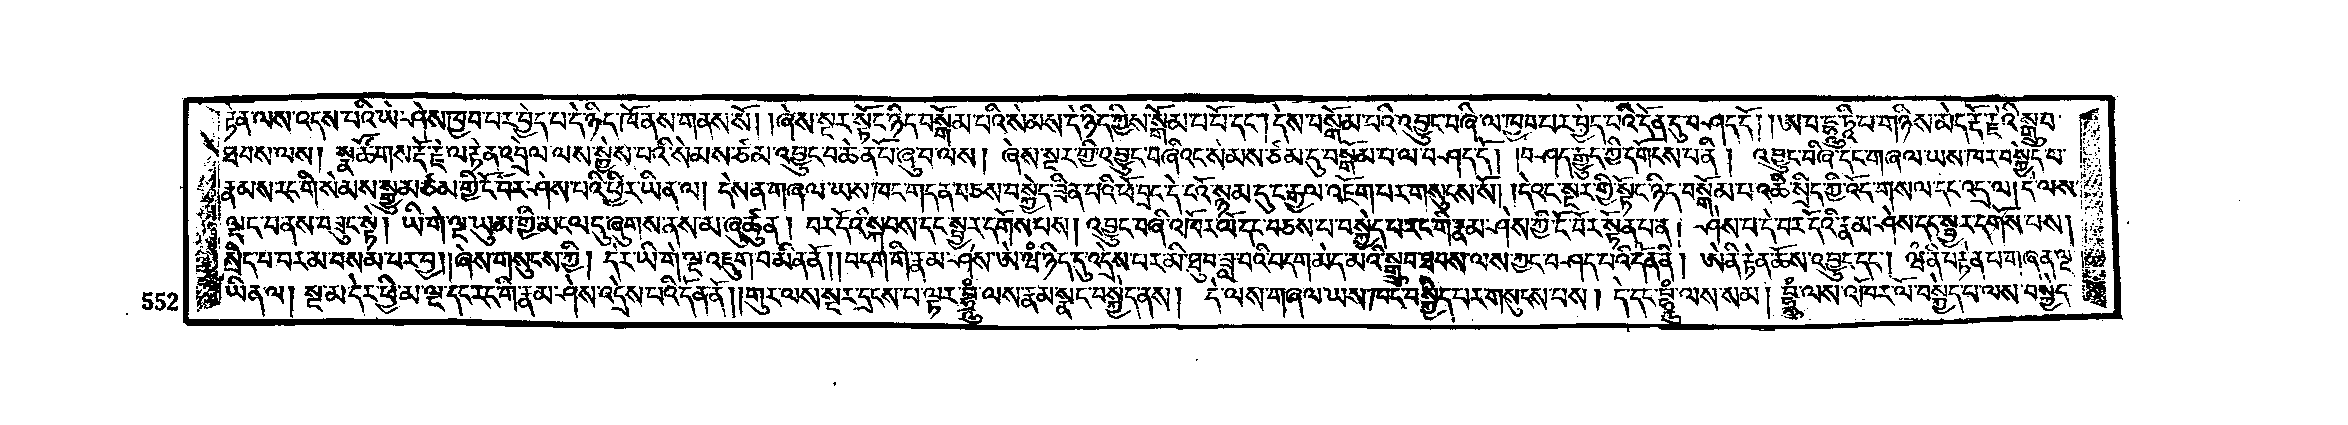རྟེན་ལས་འདས་པའི་ཡེ་ཤེས་ཁྱབ་པར་བྱེད་པ་དེ་ཉིད་ཁོ་ནས་གནས་སོ། །ཞེས་སྔར་སྟོང་ཉིད་བསྒོམ་པའི་སེམས་དེ་ཉིད་ཀྱིས་སྒོམ་པ་པོ་དང་། དེས་བསྒོམ་པའི་འབྱུང་བཞི་ལ་ཁྱབ་པར་བྱེད་པའི་དོན་དུ་བཤད་དོ། །ཨ་བ་དྷཱུ་ཏཱི་པ་གཉིས་མེད་རྡོ་རྗེའི་སྒྲུབ་
ཐབས་ལས། སྣ་ཚོགས་རྡོ་རྗེ་ལ་རྟེན་འབྲེལ་ལས་སྐྱེས་པའི་སེམས་ཙམ་འབྱུང་བ་ཆེན་པོ་ཞུ་བ་ལས། ཞེས་སྔར་གྱི་འབྱུང་བཞིའང་སེམས་ཙམ་དུ་བསྒོམ་པ་ལ་བཤད་དོ། །བཤད་རྒྱུད་ཀྱི་དགོངས་པ་ནི། འབྱུང་བཞི་དང་གཞལ་ཡས་ཁང་བསྐྱེད་པ་
རྣམས་རང་གི་སེམས་སྒྱུ་མ་ཙམ་གྱི་ངོ་བོར་ཤེས་པའི་ཕྱིར་ཡིན་ལ། དེས་ན་གཞལ་ཡས་ཁང་གདན་བཅས་བསྐྱེད་ཟིན་པའི་ཕོ་བྲང་དེ་ངའོ་སྙམ་དུ་ང་རྒྱལ་འཇོག་པར་གསུངས་སོ། །དེའང་སྔར་གྱི་སྟོང་ཉིད་བསྒོམ་པ་འཆི་སྲིད་ཀྱི་འོད་གསལ་དང་འདྲ་ལ། དེ་ལས་
ལྡང་བ་ནས་བཟུང་སྟེ། ཡི་གེ་ལྔ་ཡུམ་གྱི་མངལ་དུ་ཞུགས་ནས་མ་ཞུ་ཚུན། བར་དོའི་སྐབས་དང་སྦྱར་དགོས་པས། འབྱུང་བཞི་འཁོར་ལོ་དང་བཅས་པ་བསྐྱེད་པ་རང་གི་རྣམ་ཤེས་ཀྱི་ངོ་བོར་སྟོན་པ་ན། ཤེས་པ་དེ་བར་དོའི་རྣམ་ཤེས་དང་སྦྱར་དགོས་པས།
སྲིད་པ་བར་མ་བསམ་པར་བྱ། །ཞེས་གསུངས་ཀྱི། དེར་ཡི་གེ་ལྔ་འཇུག་པ་མིན་ནོ། །བདག་གི་རྣམ་ཤེས་ཨེ་ཝཾ་ཉིད་དུ་འདྲེས་པར་མི་ཐུབ་ཟླ་བའི་བདག་མེད་མའི་སྒྲུབ་ཐབས་ལས་ཀྱང་བཤད་པའི་དོན་ནི། ཨེ་ནི་རྟེན་ཆོས་འབྱུང་དང་། ཝཾ་ནི་བརྟེན་པ་གཞན་ལྔ་
ཡིན་ལ། སྔ་མ་དེར་ཕྱི་མ་ལྔ་དང་རང་གི་རྣམ་ཤེས་འདྲེས་པའི་དོན་ནོ། །གུར་ལས་སྔར་དྲངས་པ་ལྟར་བྷྲཱུཾ་ལས་རྣམ་སྣང་བསྐྱེད་ནས། དེ་ལས་གཞལ་ཡས་ཁང་བསྐྱེད་པར་གསུངས་པས། དེ་དང་བྷྲཱུཾ་ལས་སམ། བྷྲཱུཾ་ལས་འཁོར་ལོ་བསྐྱེད་པ་ལས་བསྐྱེད་